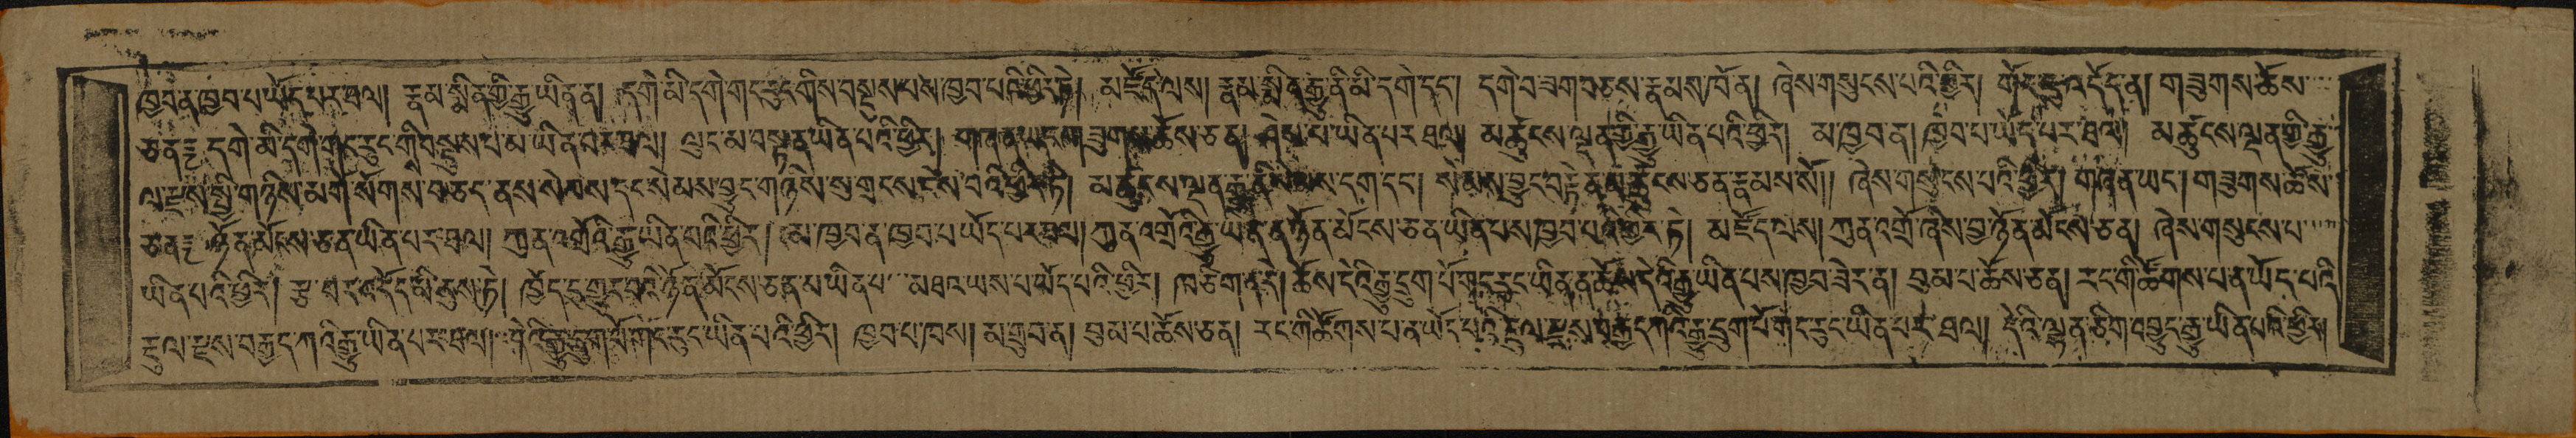ཁྱབ་ན་ཁྱབ་པ་ཡོད་པར་ཐལ། རྣམ་སྨིན་གྱི་རྒྱུ་ཡིན་ན། དགེ་མི་དགེ་གང་རུང་གིས་བསྡུས་པས་ཁྱབ་པའི་ཕྱིར་ཏེ། མཛོད་ལས། རྣམ་སྨིན་རྒྱུ་ནི་མི་དགེ་དང་། དགེ་བ་ཟག་བཅས་རྣམས་ཁོ་ན། ཞེས་གསུངས་པའི་ཕྱིར། གོང་དུ་འདོད་ན། གཟུགས་ཆོས་
ཅན༑ དགེ་མི་དགེ་གང་རུང་གིས་བསྡུས་པ་མ་ཡིན་པར་ཐལ། ལུང་མ་བསྟན་ཡིན་པའི་ཕྱིར། གཞན་ཡང་གཟུགས་ཆོས་ཅན། ཤེས་པ་ཡིན་པར་ཐལ། མཚུངས་ལྡན་གྱི་རྒྱུ་ཡིན་པའི་ཕྱིར། མ་ཁྱབ་ན། ཁྱབ་པ་ཡོད་པར་ཐལ། མཚུངས་ལྡན་གྱི་རྒྱུ་
ལ་རྫས་སྤྱི་གཉིས་མགོ་སོགས་བཅད་ནས་སེམས་དང་སེམས་བྱུང་གཉིས་སུ་གྲངས་ངེས་པའི་ཕྱིར་ཏེ། མཚུངས་ལྡན་རྒྱུ་ནི་སེམས་དག་དང་། སེམས་བྱུང་བརྟེན་མཚུངས་ཅན་རྣམས་སོ། །ཞེས་གསུངས་པའི་ཕྱིར། གཞན་ཡང་། གཟུགས་ཆོས་
ཅན༑ ཉོན་མོངས་ཅན་ཡིན་པར་ཐལ། ཀུན་འགྲོའི་རྒྱུ་ཡིན་པའི་ཕྱིར། མ་ཁྱབ་ན་ཁྱབ་པ་ཡོད་པར་ཐལ། ཀུན་འགྲོའི་རྒྱུ་ཡིན་ན་ཉོན་མོངས་ཅན་ཡིན་པས་ཁྱབ་པའི་ཕྱིར་ཏེ། མཛོད་ལས། ཀུན་འགྲོ་ཞེས་བྱ་ཉོན་མོངས་ཅན། ཞེས་གསུངས་པ་
ཡིན་པའི་ཕྱིར། རྩ་བར་འདོད་མི་ནུས་ཏེ། ཁྱོད་དུ་གྱུར་བའི་ཉོན་མོངས་ཅན་མ་ཡིན་པ་མཐའ་ཡས་པ་ཡོད་པའི་ཕྱིར། ཁ་ཅིག་ན་རེ། ཆོས་དེའི་རྒྱུ་དྲུག་པོ་གང་རུང་ཡིན་ན་ཆོས་དེའི་རྒྱུ་ཡིན་པས་ཁྱབ་ཟེར་ན། བུམ་པ་ཆོས་ཅན། རང་གི་ཚོགས་པ་ན་ཡོད་པའི་
རྡུལ་རྫས་བརྒྱད་ཀའི་རྒྱུ་ཡིན་པར་ཐལ། དེའི་རྒྱུ་དྲུག་པོ་གང་རུང་ཡིན་པའི་ཕྱིར། ཁྱབ་པ་ཁས། མ་གྲུབ་ན། བུམ་པ་ཆོས་ཅན། རང་གི་ཚོགས་པ་ན་ཡོད་པའི་རྡུལ་རྫས་བརྒྱད་ཀའི་རྒྱུ་དྲུག་པོ་གང་རུང་ཡིན་པར་ཐལ། དེའི་ལྷན་ཅིག་འབྱུང་རྒྱུ་ཡིན་པའི་ཕྱིར།